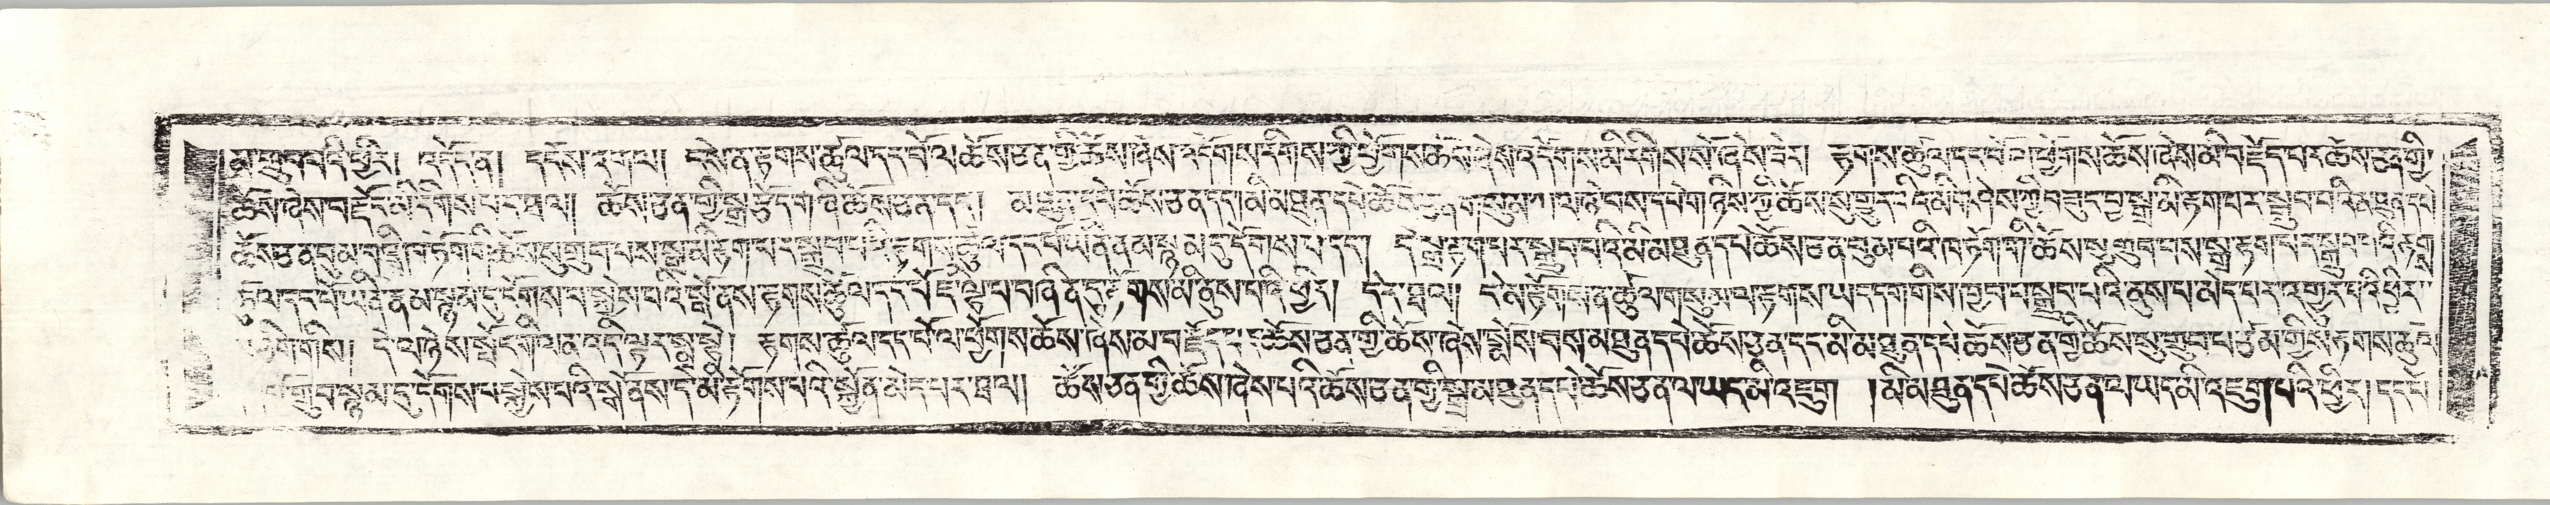མ་གྲུབ་པའི་ཕྱིར། འདོད་ན། དངོས་འགལ། དེས་ན་རྟགས་ཚུལ་དང་བོ་ལ་ཆོས་ཅན་གྱི་ཆོས་ཞེས་འདོགས་རིགས་ཀྱི་ཕྱོགས་ཆོས་ཞེས་འདོགས་མི་རིགས་སོ་ཞེས་ཟེར། རྟགས་ཚུལ་དང་པོ་ལ་ཕྱོགས་ཆོས་ཞེས་མི་བརྗོད་པར་ཆོས་ཅན་གྱི་
ཆོས་ཞེས་བརྗོད་མི་རིགས་པར་ཐལ། ཆོས་ཅན་གྱི་སྒྲ་རྩོད་གཞི་ཆོས་ཅན་དང་། མཐུན་དཔེ་ཆོས་ཅན་དང་། མི་མཐུན་དཔེ་ཆོས་ཅན་གསུམ་ག་ལ་ཉེ་བས་དཔེ་གཉིས་ཀྱི་ཆོས་སུ་གྱུར་བའི་མིག་ཤེས་ཀྱི་བཟུང་བྱ་སྒྲ་མི་རྟག་པར་སྒྲུབ་པའི་མཐུན་དཔེ་
ཆོས་ཅན་བུམ་པའི་ཁ་ཏོག་གི་ཆོས་སུ་གྲུབ་པས་སྒྲ་མི་རྟག་པར་སྒྲུབ་པའི་རྟགས་ཚུལ་དང་པོ་ཡིན་ནམ་སྙམ་དུ་དོགས་པ་དང་། དེ་སྒྲ་རྟག་པར་སྒྲུབ་པའི་མི་མཐུན་དཔེ་ཆོས་ཅན་བུམ་པའི་ཁ་ཏོག་གི་ཆོས་སུ་གྲུབ་པས་སྒྲ་རྟག་པར་སྒྲུབ་པའི་རྟགས་
ཚུལ་དང་པོ་ཡིན་ནམ་སྙམ་དུ་དོགས་པ་སྐྱེས་པའི་སྒོ་ནས་རྟགས་ཚུལ་དང་པོ་ཇི་ལྟ་བ་བཞིན་དུ་རྟོགས་མི་ནུས་པའི་ཕྱིར། དེར་ཐལ། དེ་མ་རྟོགས་ན་ཚུལ་གསུམ་ལ་རྟགས་ཡང་དག་གིས་ཁྱབ་པ་སྒྲུབ་པའི་ནུས་པ་མེད་པར་འགྱུར་པའི་ཕྱིར།
ཁ་ཅིག་གིས། དེ་ལ་ཉེས་སྤོང་གི་ལན་འདི་ལྟར་སྨྲ་སྟེ། རྟགས་ཚུལ་དང་པོ་ལ་ཕྱོགས་ཆོས་ཞེས་མ་བརྗོད་པར་ཆོས་ཅན་གྱི་ཆོས་ཞེས་སྨྲོས་པས་མཐུན་དཔེ་ཆོས་ཅན་དང་མི་མཐུན་དཔེ་ཆོས་ཅན་གྱི་ཆོས་སུ་གྲུབ་པ་ཙམ་གྱིས་རྟགས་ཚུལ་
དང་པོ་གྲུབ་སྙམ་དུ་དོགས་པ་སྐྱེས་པའི་སྒོ་ནས་དེ་མི་རྟོགས་པའི་སྐྱོན་མེད་པར་ཐལ། ཆོས་ཅན་གྱི་ཆོས་ཞེས་པའི་ཆོས་ཅན་གྱི་སྒྲ་མཐུན་དཔེ་ཆོས་ཅན་ལ་ཡང་མི་འཇུག་མི་མཐུན་དཔེ་ཆོས་ཅན་ལ་ཡང་མི་འཇུག་པའི་ཕྱིར། དང་པོ་